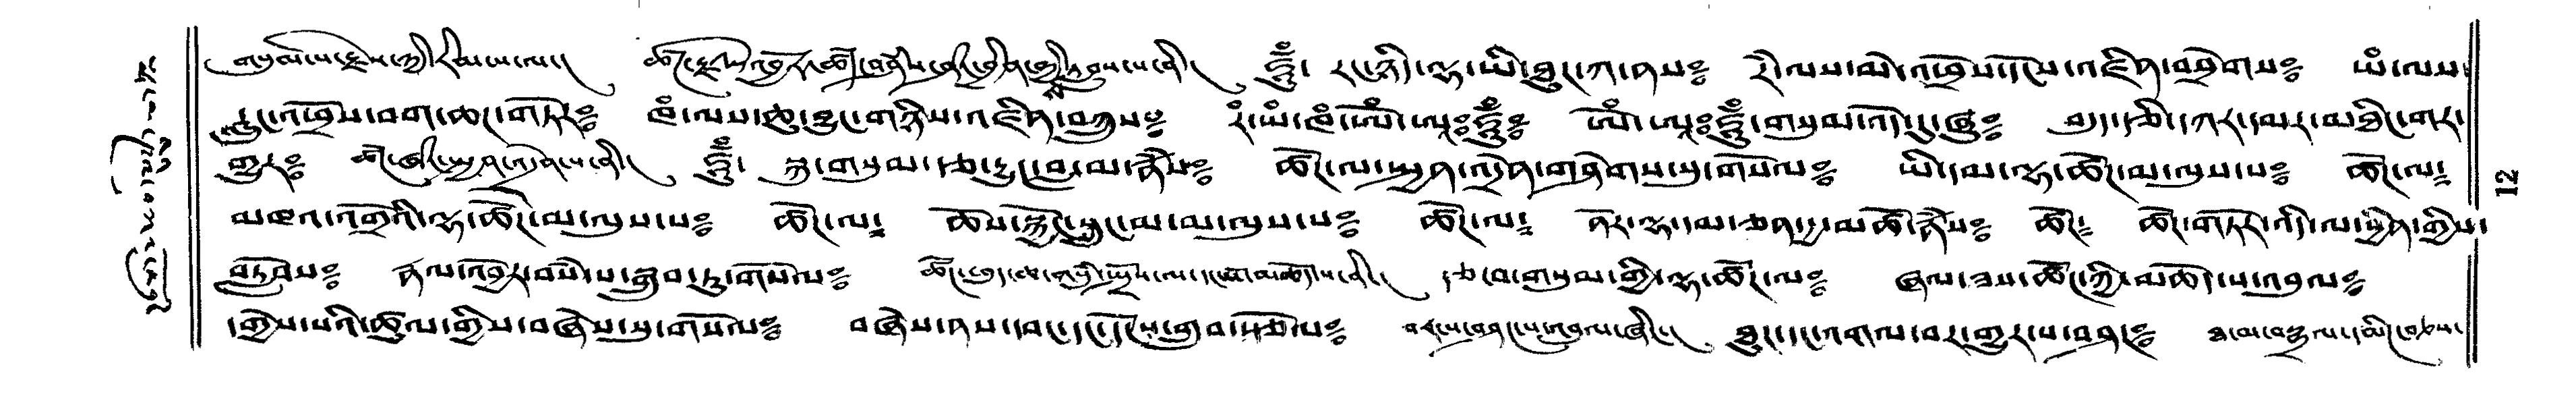གསུམ་པ་རྗེས་ཀྱི་རིམ་པ་ལ། ཚོགས་རྫས་འབྱོར་ཚོད་བཤམས་ཤིང་བྱིན་གྱིས་བརླབ་པ་ནི། ཧཱུྃ༔ རང་ཉིད་ལྷ་ཡི་ཐུགས་ཀ་ནས༔ རཾ་ལས་མེ་འཕྲོས་དངོས་འཛིན་བསྲེགས༔ ཡཾ་ལས་
རླུང་འཕྲོས་བག་ཆགས་གཏོར༔ ཁཾ་ལས་ཆུ་བྱུང་གཉིས་འཛིན་བཀྲུས༔ རཾ་ཡཾ་ཁཾ༔ཨོཾ་ཨཱཿཧཱུྃ༔ ཨོཾ་ཨཱཿཧཱུྃ་གསུམ་འོད་དུ་ཞུ༔བདུད་རྩི་དཀར་དམར་མཐིང་གར་
གྱུར༔ ཚོགས་ཞིང་སྤྱན་འདྲེན་པ་ནི། ཧཱུྃ༔ སྐུ་གསུམ་རྩ་རྒྱུད་བླ་མ་རྣམས༔ ཚོགས་ལ་སྤྱན་འདྲེན་གཤེགས་སུ་གསོལ༔ ཡི་དམ་ལྷ་ཆོགས་མ་ལུས་པ༔ ཚོགས་ལ༴ 
མཁའ་འགྲོའི་ལྷ་ཚོགས་མ་ལུས་པ༔ ཚོགས་ལ༴ ཆོས་སྐྱོང་སྲུང་མ་མ་ལུས་པ༔ ཚོགས་ལ༴ ནོར་ལྷ་དམ་ཅན་རྒྱ་མཚོ་རྣམས༔ ཚོགས༴ ཚོགས་གཏོར་འདི་ལ་བྱིན་གྱིས་
རློབས༔ རྣལ་འབྱོར་བསམ་པ་འགྲུབ་ཏུ་གསོལ༔ ཚོགས་ཕུད་ཆ་གསུམ་སྤྲོས་ལ་དང་པོ་མཆོད་པ་ནི། རྩ་བ་གསུམ་གྱི་ལྷ་ཚོགས་ལ༔ ཞལ་ཟས་ཚོགས་ཀྱི་མཆོད་པ་འབུལ༔ 
དགྱེས་པའི་ཚུལ་གྱིས་བཞེས་སུ་གསོལ༔ བཞེས་ནས་དབང་དང་དངོས་གྲུབ་སྩོལ༔ བར་པ་བཤགས་པ་འབུལ་ཞིང་། ཐུགས་དང་འགལ་བར་གྱུར་པ་བཤགས༔ ཐ་མ་བསྒྲལ་དམིགས་བཅས་